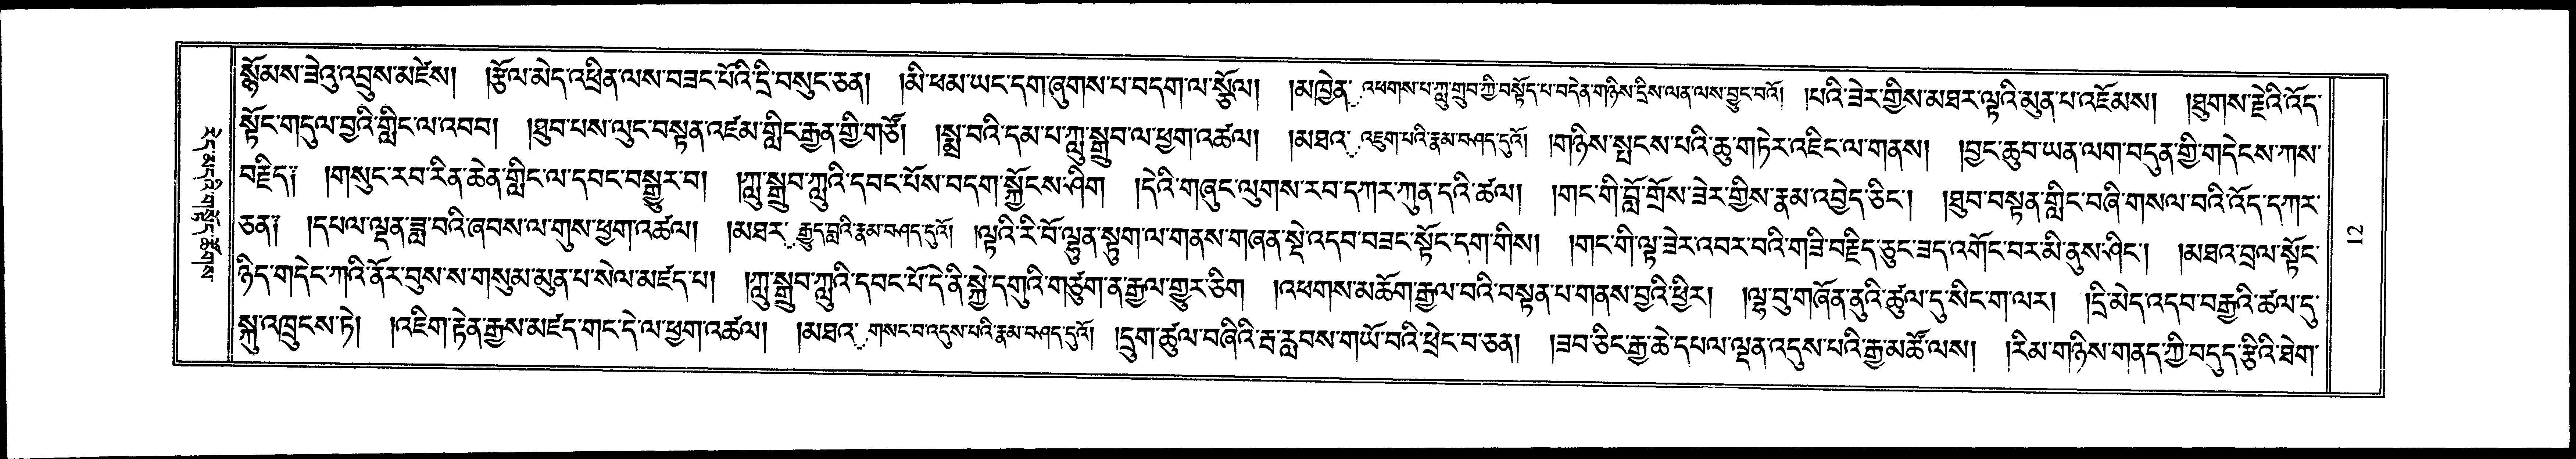སྙོམས་ཟེའུ་འབྲུས་མཛེས། །རྩོལ་མེད་འཕྲིན་ལས་བཟང་པོའི་དྲི་བསུང་ཅན། །མི་ཕམ་ཡང་དག་ཞུགས་པ་བདག་ལ་སྩོལ། །མཁྱེན་འཕགས་པ་ཀླུ་གྲུབ་ཀྱི་བསྟོད་པ་བདེན་གཉིས་དྲིས་ལན་ལས་བྱུང་བའོ། །པའི་ཟེར་གྱིས་མཐར་ལྟའི་མུན་པ་འཇོམས། །ཐུགས་རྗེའི་འོད་
སྟོང་གདུལ་བྱའི་གླིང་ལ་འབབ། །ཐུབ་པས་ལུང་བསྟན་འཛམ་གླིང་རྒྱན་གྱི་གཙོ། །སྨྲ་བའི་དམ་པ་ཀླུ་སྒྲུབ་ལ་ཕྱག་འཚལ། །མཐའ་འཇུག་པའི་རྣམ་བཤད་དུའོ། །གཉིས་སྤངས་པའི་ཆུ་གཏེར་འཇིང་ལ་གནས། །བྱང་ཆུབ་ཡན་ལག་བདུན་གྱི་གདེངས་ཀས་
བརྗིད། །གསུང་རབ་རིན་ཆེན་གླིང་ལ་དབང་བསྒྱུར་བ། ཀླུ་སྒྲུབ་ཀླུའི་དབང་པོས་བདག་སྐྱོངས་ཤིག །དེའི་གཞུང་ལུགས་རབ་དཀར་ཀུན་དའི་ཚལ། །གང་གི་བློ་གྲོས་ཟེར་གྱིས་རྣམ་འབྱེད་ཅིང་། །ཐུབ་བསྟན་གླིང་བཞི་གསལ་བའི་འོད་དཀར་
ཅན། །དཔལ་ལྡན་ཟླ་བའི་ཞབས་ལ་གུས་ཕྱག་འཚལ། །མཐར་རྒྱུད་བླའི་རྣམ་བཤད་དུའོ། །ལྟའི་རི་བོ་ལྷུན་སྟུག་ལ་གནས་གཞན་སྡེ་འདབ་བཟང་སྟོང་དག་གིས། །གང་གི་ལྟ་ཟེར་འབར་བའི་གཟི་བརྗིད་ཅུང་ཟད་འགོང་བར་མི་ནུས་ཤིང་། །མཐའ་བྲལ་སྟོང་
ཉིད་གདེང་ཀའི་ནོར་བུས་ས་གསུམ་མུན་པ་སེལ་མཛད་པ། །ཀླུ་སྒྲུབ་ཀླུའི་དབང་པོ་དེ་ནི་སྐྱེ་དགུའི་གཙུག་ན་རྒྱལ་གྱུར་ཅིག །འཕགས་མཆོག་རྒྱལ་བའི་བསྟན་པ་གནས་བྱའི་ཕྱིར། །ལྷ་བུ་གཞོན་ནུའི་ཚུལ་དུ་སིང་ག་ལར། །དྲི་མེད་འདབ་བརྒྱའི་ཚལ་དུ་
སྐུ་འཁྲུངས་ཏེ། །འཇིག་རྟེན་རྒྱས་མཛད་གང་དེ་ལ་ཕྱག་འཚལ། །མཐའ་གསང་བ་འདུས་པའི་རྣམ་བཤད་དུའོ། །དྲུག་ཚུལ་བཞིའི་རྦ་རླབས་གཡོ་བའི་ཕྲེང་བ་ཅན། །ཟབ་ཅིང་རྒྱ་ཆེ་དཔལ་ལྡན་འདུས་པའི་རྒྱ་མཚོ་ལས། །རིམ་གཉིས་གནད་ཀྱི་བདུད་རྩིའི་ཐེག་